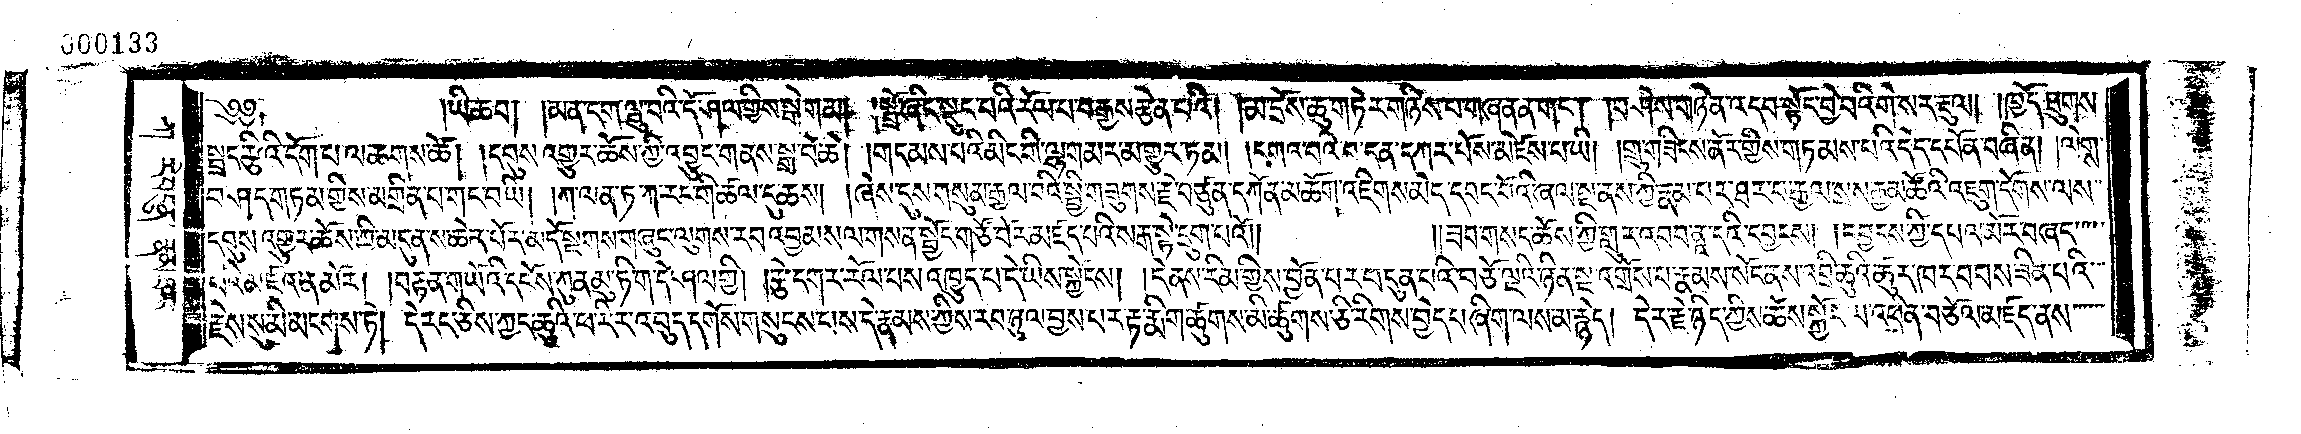༄༅། །ཡི་ཆབ། །མན་ངག་ལྦུ་བའི་དོ་ཤལ་གྱིས་སྒེག་མ། །སྤྲོ་ཞིང་སྡུད་པའི་རོལ་པ་བརྒྱས་རྩེན་པའི། །མ་དྲོས་ཆུ་གཏེར་གཉིས་པ་གཞན་ན་གང་། །བཤེས་གཉེན་འདབ་སྟོང་བྱེ་བའི་གེ་སར་རྡུལ། །ཁྱེད་ཐུགས་
སྦྲང་རྩིའི་དོག་པ་ལ་ཆགས་ཚེ། །དབུས་འགྱུར་ཆོས་ཀྱི་འབྱུང་གནས་སྒྲ་བོ་ཆེ། །གདམས་པའི་མིང་གི་ལྷག་མར་མ་གྱུར་ཏམ། །དགའ་བའི་པ་དན་དཀར་པོས་མཛེས་པ་ཡི། །གྲུ་གཟིངས་ནོར་གྱིས་གཏམས་པའི་དེད་དཔོན་བཞིན། །ལེགས་
བཤད་གཏམ་གྱིས་མགྲིན་པ་གང་པ་ཡི། །ཀ་ལན་ཏ་ཀ་རང་གི་ཚལ་དུ་ཆས། །ཞེས་དུས་གསུམ་རྒྱལ་བའི་སྤྱི་གཟུགས་རྗེ་བཙུན་དཀོན་མཆོག་འཇིགས་མེད་དབང་པོའི་ཞལ་སྔ་ནས་ཀྱི་རྣམ་པར་ཐར་པ་རྒྱལ་སྲས་རྒྱ་མཚོའི་འཇུག་དོགས་ལས་
དབུས་འགྱུར་ཆོས་ཀྱི་མདུན་ས་ཆེན་པོར་མདོ་སྔགས་གཞུང་ལུགས་རབ་འབྱམས་ལ་གསན་སྦྱོང་གཙོ་བོར་མཛད་པའི་སརྒ་སྟེ་དྲུག་པའོ།། །།ཟབ་གསང་ཆོས་ཀྱི་གླུར་འབབ་ནཱ་དའི་དབྱངས། །དབྱངས་ཀྱི་དཔལ་མོར་བཞད་
བའི་མཛའ་ན་མོར། །བརྟན་གཡོའི་དངོས་ཀུན་མུ་ཏི་ག་དོ་ཤལ་གྱི། །རྩེ་དགར་རོལ་པས་འཁྱུད་པ་དེ་ཡིས་སྐྱོངས། །དེ་ནས་རིམ་གྱིས་བྱོན་པར་བདུན་པའི་བཅོ་ལྔའི་ཉིན་སྔ་འགྲོས་པ་རྣམས་སོང་ནས་འབྲི་ཆུའི་ཚུར་ཁར་བབས་ཟིན་པའི་
རྗེས་སུ་མི་མངགས་ཏེ། དེ་རང་ཅིས་ཀྱང་ཆུའི་ཕ་རིར་འབུད་དགོས་གསུངས་པས་དེ་རྣམས་ཀྱིས་རབ་ཉུལ་བྱས་པར་རྟ་རྨིག་ཚུགས་མི་ཚུགས་ཅི་རིགས་བྱེད་པ་ཞིག་ལས་མ་རྙེད། དེར་རྗེ་ཉིད་ཀྱིས་ཆོས་སྐྱོང་ལ་འཕྲིན་བཅོལ་མཛད་ནས་